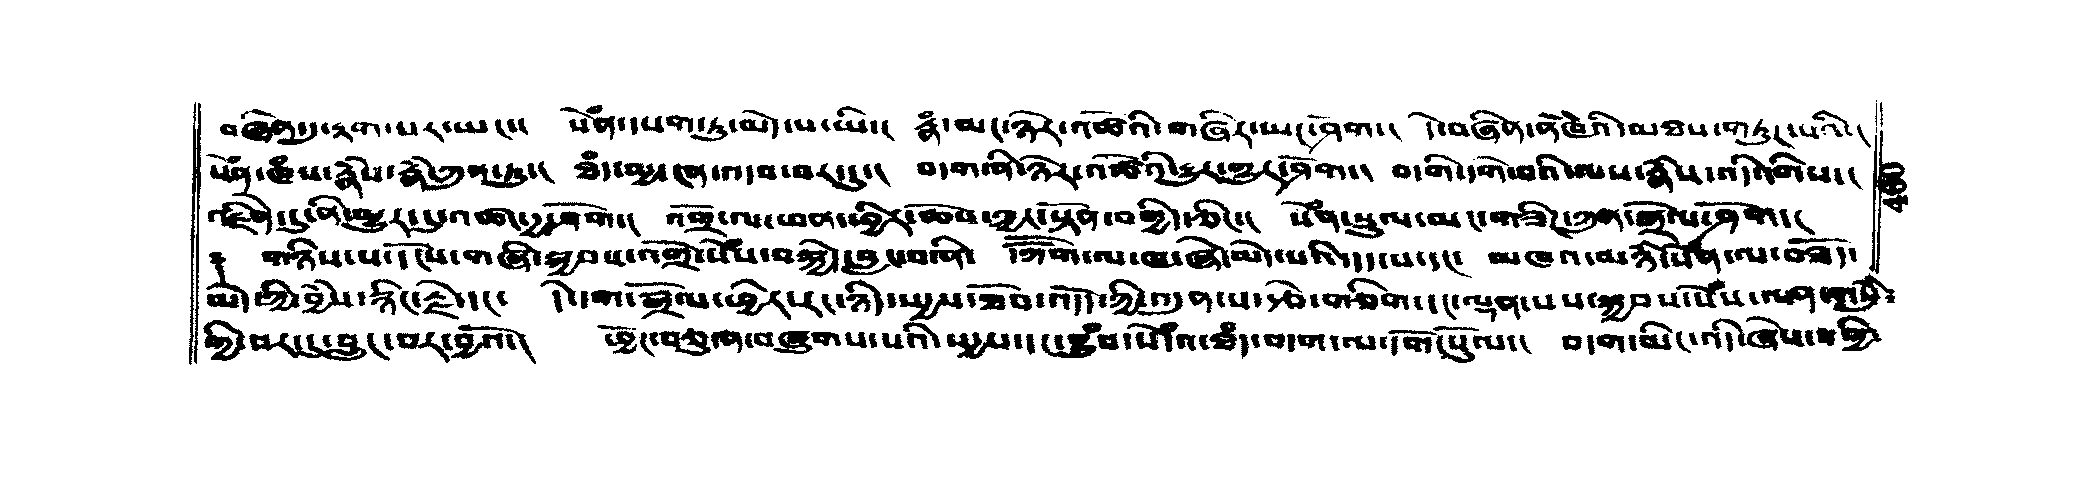བཞིན་དུ་རྟག་པར་ཡང་། །སེམས་ཅན་དཔག་ཏུ་མེད་པ་ཡི། །རྣམ་མང་ཉེར་འཚོའི་གཞིར་ཡང་ཤོག་།དེ་བཞིན་ནམ་མཐའི་མཐས་གཏུགས་པའི། །
སེམས་ཅན་ཁམས་རྣམས་རྣམ་ཀུན་ཏུ། །ཐམས་ཅད་མྱ་ངན་འདའ་བར་དུ། །བདག་ནི་ཉེར་འཚོའི་རྒྱུར་གྱུར་ཤོག་།བདག་གི་དགེ་བའི་ལས་རྣམས་འདི་དག་གིས། །
འཇིག་རྟེན་དུ་ནི་མྱུར་དུ་ཚངས་རྒྱ་ཤོག་།འགྲོ་ལ་ཕན་ཕྱིར་ཆོས་ཀྱང་སྟོན་བགྱིད་ཅིང་། །སེམས་ཅན་སྡུག་བསྔལ་མང་གཟིགས་ཀུན་གྲོལ་ཤོག་། 
༈ གཉིས་པ་དངོས་གཞི་སྐྱབས་འགྲོ་སེམས་བསྐྱེད་བླང་བ་ནི། དཀོན་མཆོག་ལ་ཁ་ཞེ་མེད་པའི་དད་པ་དང་། །མཁའ་མཉམ་སེམས་ཅན་ལ་བཟོད་
མེད་ཀྱི་བྱམས་རྙིང་རྗེ་དང་། དེ་དག་སྒྲོལ་ཕྱིར་རང་ཉིད་སངས་རྒྱས་ཐོབ་འདོད་ཀྱི་འདུན་པ་རྩེ་གཅིག་དང་ལྡན་པས་སྐྱབས་སེམས་ལན་གསུམ་
གྱི་བར་དུ་བླང་བར་བྱའོ། ཕྱོགས་བཅུ་ན་བཞུགས་པའི་སངས་རྒྱས་དང་བྱང་ཆུབ་སེམས་དཔའ་ཐམས་ཅད་ལ་དགོངས་སུ་གསོལ། །བདག་མིང་འདི་ཞེས་བགྱི་